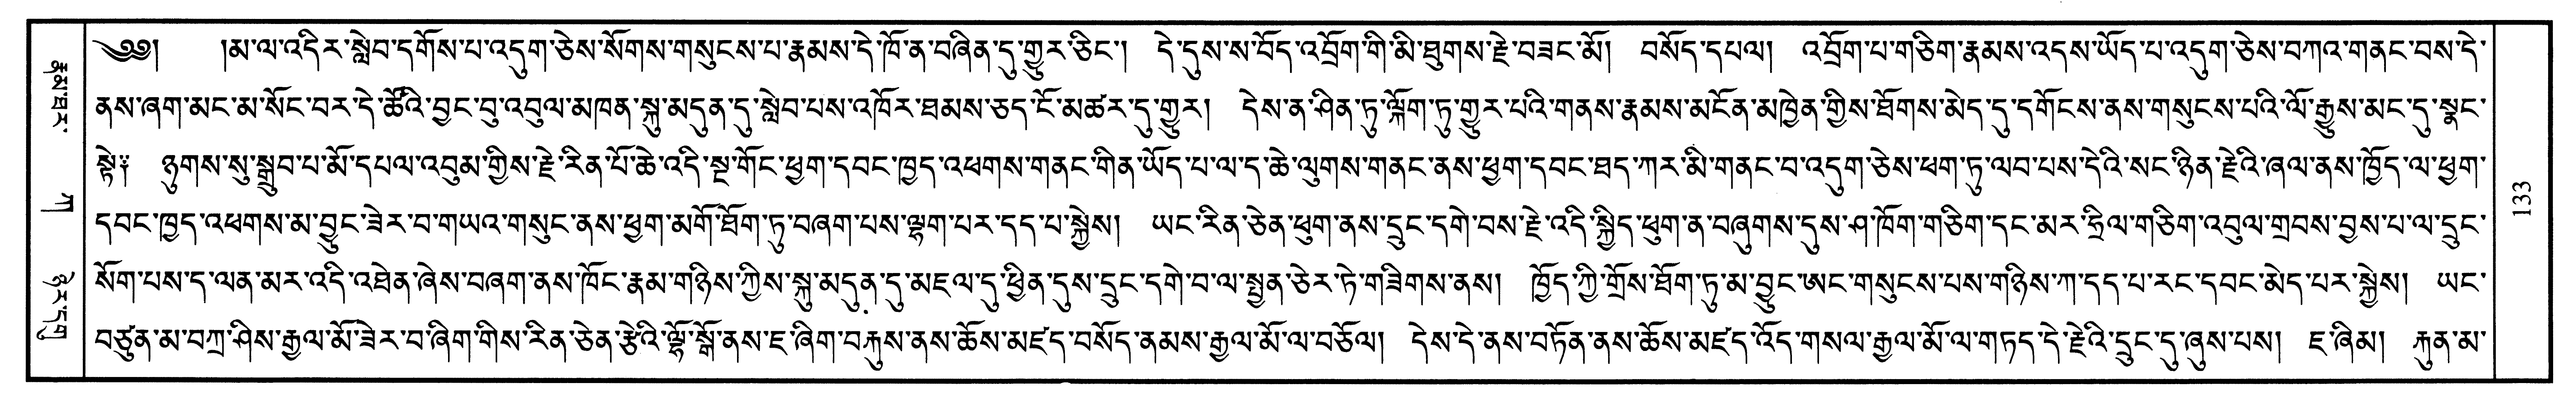༄༅། །མ་ལ་འདིར་སླེབས་དགོས་པ་འདུག་ཅེས་སོས་གསུངས་པ་རྣམས་དེ་ཁོ་ན་བཞིན་དུ་གྱུར་ཅིང་། དེ་དུས་ས་བོད་འབྲོག་གི་མི་ཐུགས་རྗེ་བཟང་མོ། བསོད་དཔལ། འབྲོག་པ་གཅིག་རྣམས་འདས་ཡོད་པ་འདུག་ཅེས་བཀའ་གནང་བས་དེ་
ནས་ཞག་མང་མ་སོང་བར་དེ་ཚོའི་བྱང་བུ་འབུལ་མཁན་སྐུ་མདུན་དུ་སླེབ་པས་འཁོར་ཐམས་ཅད་ངོ་མཚར་དུ་གྱུར། དེ་ན་ཤིན་ཏུ་ལྐོག་ཏུ་གྱུར་པའི་གནས་རྣམས་མངོན་མཁྱེན་གྱིས་ཐོགས་མེད་དུ་དགོངས་ནས་གསུངས་པའི་ལོ་རྒྱུས་མང་དུ་སྣང་
སྟེ༑ ཉུགས་སུ་སྒྲུབ་པ་མོ་དཔལ་འབུམ་གྱིས་རྗེ་རིན་པོ་ཆེ་འདི་སྔ་གོང་ཕྱག་དབང་ཁྱད་འཕགས་གནང་གིན་ཡོད་པ་ལ་ད་ཆེ་ལུགས་གནང་ནས་ཕྱག་དབང་ཐད་དཀར་མི་གནང་བ་འདུག་ཅེས་ཕག་ཏུ་ལབ་པས་དེའི་སང་ཉིན་རྗེའི་ཞལ་ནས་ཁྱོད་ལ་ཕྱག་
དབང་ཁྱད་འཕགས་མ་བྱུང་ཟེར་བ་གཡའ་གསུང་ནས་ཕྱག་མགོ་ཐོག་ཏུ་བཞག་པས་ལྷག་པར་དད་པ་སྐྱེས། ཡང་རིན་ཅེན་ཕུག་ནས་དྲང་དགེ་བས་རྗེ་འདི་སྐྱིད་ཕུག་ན་བཞུགས་དུས་ཤ་ཁོག་གཅིག་དང་མར་དྲིལ་གཅི་འབུལ་གྲབས་བྱས་པ་ལ་དྲུང་
སོག་པས་ད་ལྡན་མར་འདི་འཐེན་ཞེས་བཞག་ནས་ཁོང་རྣམ་གཉིས་ཀྱིས་སྐུ་མདུན་དུ་མཇལ་དུ་ཕྱིན་དུས་དྲུང་དགེ་བ་ལ་སྤྱན་ཅེས་ཏེ་གཟིགས་ནས། ཁྱོད་ཀྱི་གྲོས་ཐོག་ཏུ་མ་བྱུང་ཨང་གསུངས་པས་གཉིས་ཀ་དད་པ་རང་དབང་མེད་པར་སྐྱེས། ཡང་
བཙུན་མ་བཀྲ་ཤིས་རྒྱལ་མོ་ཟེར་བ་ཞིག་གིས་རིན་ཅེན་རྩེའི་ལྷོ་སོག་ནས་ཇ་ཞིག་བརྐུས་ནས་ཆོས་མཛད་བསོད་ནམས་རྒྱལ་མོ་ལ་བཅོལ། དེས་དེ་ནས་བཏོན་ནས་ཆོས་མཛད་འོད་གསལ་རྒྱལ་མོ་ལ་གཏད་དེ་རྗེའི་དྲུང་དུ་ཞུས་པས། ཇ་ཞིམ། རྐུན་མ་